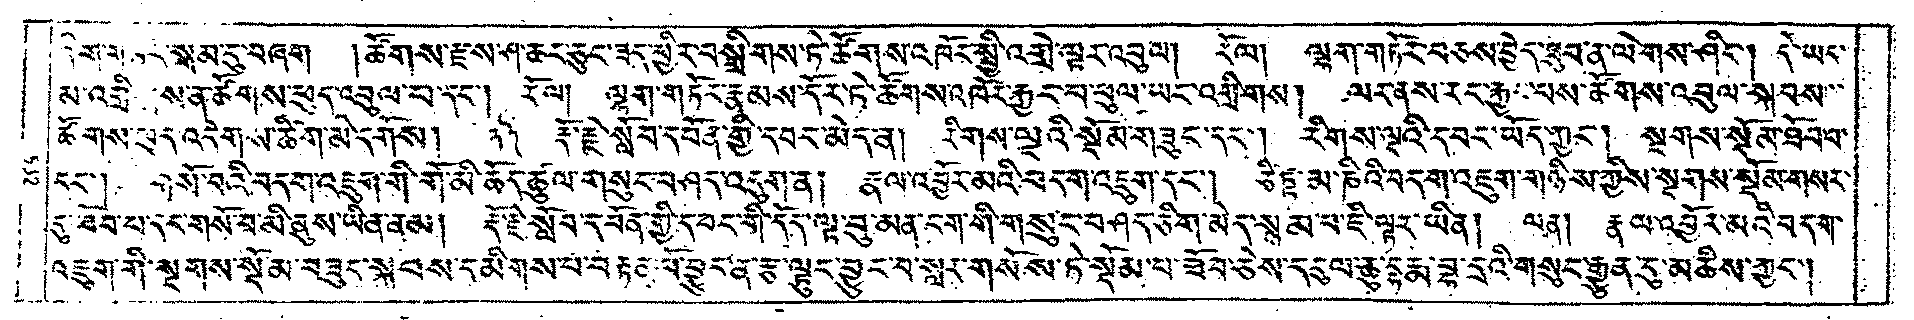ཞིག་གཏོར་སྒམ་དུ་བཞག །ཚོགས་རྫས་ཤ་ཆང་ཅུང་ཟད་ཕྱིར་བསྒྲིགས་ཏེ་ཚོགས་འཁོར་སྤྱི་འགྲེ་ལྟར་འབུལ། རོལ། ལྷག་གཏོར་བཅས་བྱེད་ཐུབ་ན་ལེགས་ཤིང་། དེ་ཡང་
མ་འགྲིགས་ན་ཚོགས་ཕུད་འབུལ་བ་དང་། རོལ། ལྷག་གཏོར་རྣམས་དོར་ཏེ་ཚོགས་འཁོར་རྐྱང་པ་ཕུལ་ཡང་འགྲིགས། ལར་ནས་རང་རྐྱང་པས་ཚོགས་འབུལ་སྐབས་
ཚོགས་ཕུད་འདེགས་ཚིག་མི་དགོས། ༢?་རྡོ་རྗེ་སློབ་དཔོན་གྱི་དབང་མེད་ན། རིགས་ལྔའི་སྡོམ་གཟུང་དང་། རིགས་ལྔའི་དབང་ཡོད་ཀྱང་། སྔགས་སྡོམ་ཐོབ་པ་
དང་། གསོ་བའི་བདག་འཇུག་གི་གོ་མི་ཆོད་ཚུལ་གསུང་བཤད་འདུག་ན། རྣལ་འབྱོར་མའི་བདག་འཇུག་དང་། ཙིཏྟ་མ་ཎིའི་བདག་འཇུག་གཉིས་ཀྱིས་སྔགས་སྡོམ་གསར་
དུ་ཐོབ་པ་དང་གསོ་བ་མི་ནུས་ཡིན་ནམ། རྡོ་རྗེ་སློབ་དཔོན་གྱི་དབང་གི་དོད་ལྟ་བུ་མན་ངག་གི་གསུང་བཤད་ཅིག་མེད་སྙམ་པ་ཇི་ལྟར་ཡིན། ལན། རྣལ་འབྱོར་མའི་བདག་
འཇུག་གི་སྔགས་སྡོམ་བཟུང་སྐབས་དམིགས་པ་བརྟན་པོ་བྱུང་ན་རྩ་ལྟུང་བྱུང་བ་སླར་གསོས་ཏེ་སྡོམ་པ་ཐོབ་ཅེས་དངུལ་ཆུ་དྷརྨ་བྷ་དྲའི་གསུང་རྒྱུན་དུ་མཆིས་ཀྱང་།